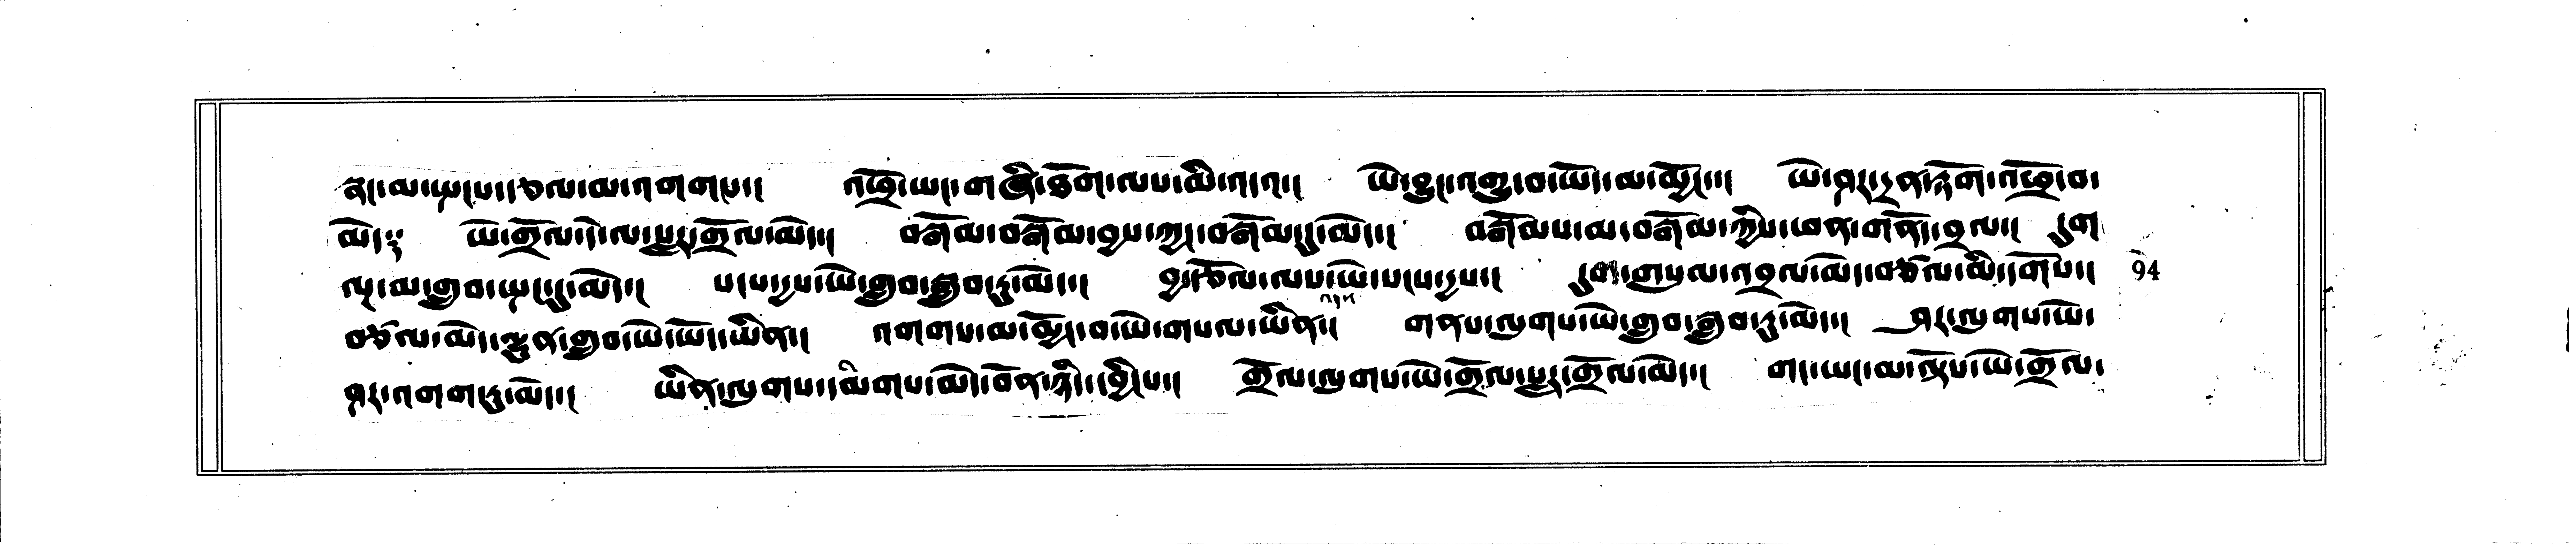སྣང་མ་སྤང་རྩལ་མ་འགག །འཕྲོ་ཡང་གཞི་ཐོག་ལས་མི་འདའ། །ཡེ་བྱུང་འགྱུ་བ་ཡོད་མ་མྱོང་། །ཡེ་ཤར་དྲན་རྟོག་འཕྲོ་བ་
མེད། །ཡེ་གྲོལ་དེ་ལ་སླར་གྲོལ་མེད། །བསྒོམ་བསྒོམ་བྱས་ཀྱང་བསྒོམ་དུ་མེད། །བསྒོམ་མ་བསྒོམ་གྱི་ཕན་གནོད་བྲལ། །དུག་
ལྔ་མ་གྲུབ་སྤང་དུ་མེད། །སངས་རྒྱས་ཡེ་གྲུབ་བསྒྲུབ་ཏུ་མེད། །བྱ་རྩོལ་ལས་འདས་ཡེ་སངས་རྒྱས། །དུག་གསུམ་འབྲལ་མེད་བཙལ་མི་དགོས། །
བཙལ་མེད་ལྷུན་གྲུབ་ཡེ་ཡོད་ཡིན། །འགག་མ་མྱོང་བ་ཡེ་གསལ་ཡིན། །གནས་ལུགས་ཡེ་གྲུབ་བསྒྲུབ་ཏུ་མེད། །ཤར་ལུགས་ཡེ་
ཤར་འགག་ཏུ་མེད། །ཡིན་ལུགས་དམིགས་མེད་བོན་ཉིད་དབྱིངས། །གྲོལ་ལུགས་ཡེ་གྲོལ་སླར་གྲོལ་མེད། །གང་ཡང་མ་ལྟོས་ཡེ་གྲོལ་